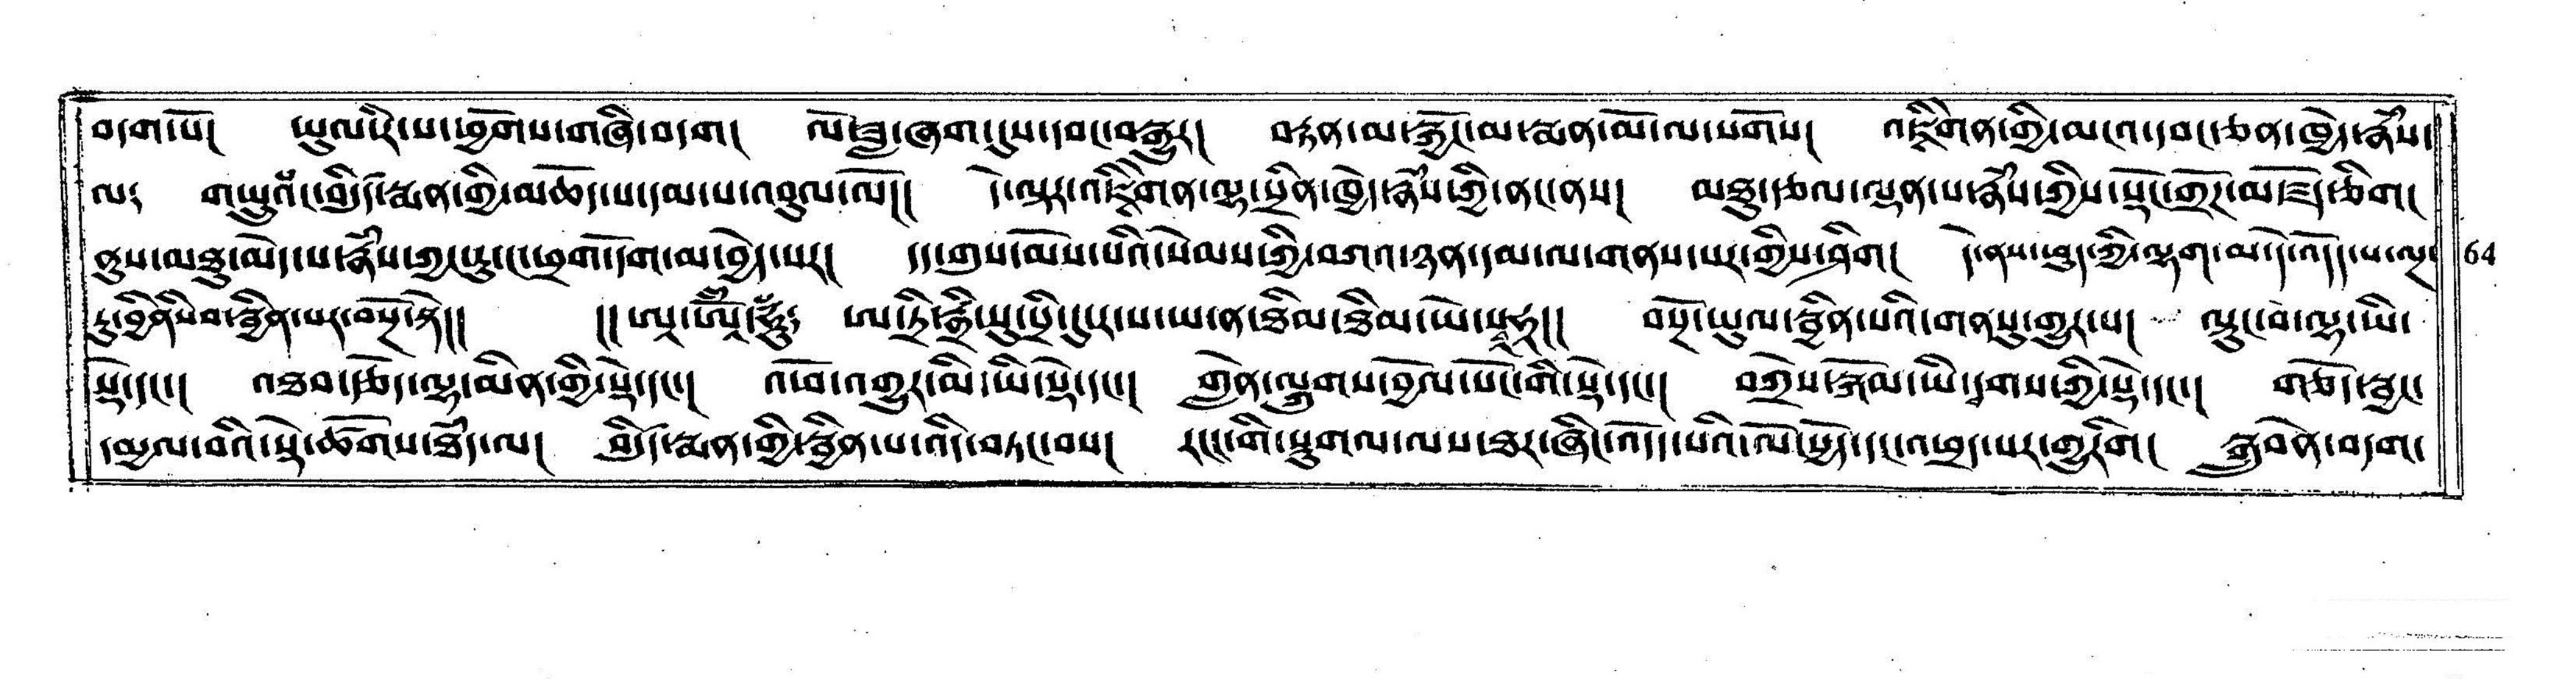བདག་པོ། ཡུལ་རི་ས་ཕྱོགས་གཞི་བདག ལོ་ཟླ་ཞག་དུས་དབང་བསྒྱུར། བརྟན་མ་སྐྱོང་མ་སྨན་མོ་ལ་སོགས། འཇིག་རྟེན་གྱི་མངའ་དབང་ཅན་ཁྱེད་རྣམས་
ལ། གཡུ་འབྲང་བདུད་རྩི་སྨན་གྱི་མཆོད་པ་དམ་པ་འབུལ་ལོ།། དེ་ལྟར་འཇིག་རྟེན་ལྷ་སྲིན་ཁྱེད་རྣམས་ཀྱི་ནང་ནས། མཐུ་རྩལ་ལྡན་པ་རྣམས་ཀྱིས་སྡོང་གྲོགས་མཛོད་ཅིག 
ནུས་མཐུ་མེད་པ་རྣམས་ཀྱང་རུ་ང་ཕྲག་དོག་མ་བྱེད་པར། དད་གུས་མོས་པའི་སེམས་ཀྱི་བཀའ་ཉན་དམ་ལ་གནས་པར་གྱིས་ཤིག དེ་ནས་ཕུད་ཀྱི་ལྷག་མ་དེ་འདོད་པ་ལྔ་
རུ་བྱིན་གྱིས་བརླབས་སྦྱིན་པར་བསྔོ་སྟེ།། །།ཨཱ་ཨཱོཾ་ཧཱུྃ ཨ་ཏྲི་རྣྲི་སུ་པྲི་དུ་ར་ས་ཡ་ན་ཐིམ་ཐིམ་ཡེ་སྭཱཧཱ།། བསྔོ་ཡུལ་སྦྱིན་པའི་གནས་སུ་གྱུར་པ། ལྟུང་བ་ལྷ་ཡི་
སྡེ་དང་། འཐབ་རྩོད་ལྷ་མིན་གྱི་སྡེ་དང་། འཕོ་འགྱུར་མི་ཡི་སྡེ་དང་། གླེན་ལྐུགས་བྱོལ་སོང་གི་སྡེ་དང་། བཀྲེས་སྐོམ་ཡི་དྭགས་ཀྱི་སྡེ་དང་། གཅོད་སྦྱང་
དམྱལ་བའི་སྡེ་ཚོགས་ཐམས་ཅད་ལ། བདུད་རྩི་སྨན་གྱི་སྦྱིན་པ་འདི་བཏང་བས། རང་རང་གི་སྡུག་བསྔལ་ལས་ཐར་ཞིང་འདོད་པའི་ལོངས་སྤྱོད་དང་འཕྲད་པར་གྱུར་ཅིག སྒྲུབ་གཤེན་བདག་